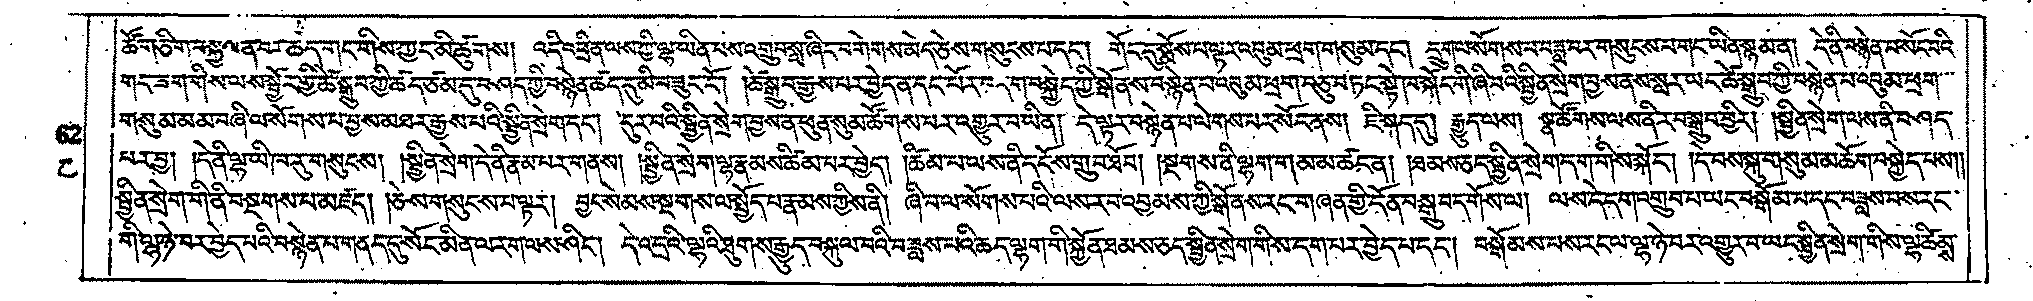ཚོ་གཅིག་བསྐྱལ་ན་བར་ཆད་གང་གིས་ཀྱང་མི་ཚུགས། འདི་འཕྲིན་ལས་ཀྱི་ལྷ་ཡིན་པས་འགྲུབ་སླ་ཞིང་བགེགས་མེད་ཅེས་གསུངས་པ་དང་། གོང་དུ་སྨོས་པ་ལྟར་འབུམ་ཕྲག་གསུམ་དང་། དྲུག་ལ་སོགས་པ་བཟླ་བར་གསུངས་པ་གང་ཡིན་སྙམ་ན། དེ་ནི་བསྙེན་པ་སོང་བའི་
གང་ཟག་གིས་ལས་སྦྱོར་གྱི་ཚེ་སྒྲུབ་ཀྱི་ཚད་ཙམ་དུ་བཤད་ཀྱི་བསྙེན་ཚད་དུ་མི་བཟུང་ངོ། །ཚེ་སྒྲུབ་རྒྱས་པར་བྱེད་ན་དང་པོར་བདག་བསྐྱེད་ཀྱི་སྒོ་ནས་བསྙེན་པ་འབུམ་ཕྲག་བཅུ་བཏང་སྟེ་ཁ་སྐོང་གི་ཞི་བའི་སྦྱིན་སྲེག་བྱས་ནས་སླར་ཡང་ཚེ་སྒྲུབ་ཀྱི་བསྙེན་པ་འབུམ་ཕྲག་་་
གསུམ་མམ་བཞི་ལ་སོགས་པ་བྱས་མཐར་རྒྱས་པའི་སྦྱིན་སྲེག་དང་། དུར་བའི་སྦྱིན་སྲེག་བྱས་ན་ཕུན་སུམ་ཚོགས་པར་འགྱུར་བ་ཡིན། དེ་ལྟར་བསྙེན་པ་ལེགས་པར་སོང་ནས། ཇི་སྐད་དུ། རྒྱུད་ལས། སྣ་ཚོགས་ལས་ནི་རབ་སྒྲུབ་ཕྱིར། །སྦྱིན་སྲེག་ལས་ནི་བཤད་
པར་བྱ། །དེ་ནི་ལྷ་ཡི་ཁ་རུ་གསུངས། །སྦྱིན་སྲེག་དེ་ནི་རྣམ་པར་གནས། །སྦྱིན་སྲེག་ལྷ་རྣམས་ཚིམ་པར་བྱེད། །ཚིམ་པ་ལས་ནི་དངོས་གྲུབ་ཐོབ། །སྔགས་ནི་ལྷག་གམ་མ་ཚང་ན། །ཐམས་ཅད་སྦྱིན་སྲེག་དག་གིས་སྐོང་། །དེ་བས་སྐུ་གསུམ་མཆོག་བསྐྱེད་པས།།
སྦྱིན་སྲེག་གི་ནི་བསྔགས་པ་མཛད། །ཅེས་གསུངས་པ་ལྟར། བྱང་སེམས་སྔགས་ལ་སྤྱོད་པ་རྣམས་ཀྱིས་ནི། ཞི་བ་ལ་སོགས་པའི་ལས་རབ་འབྱམས་ཀྱི་སྒོ་ནས་རང་གཞན་གྱི་དོན་བསྒྲུབ་དགོས་ལ། ལས་དེ་དག་འགྲུབ་པ་ཡང་བསྒོམ་པ་དང་བཟླས་པས་རང་་་
གི་ལྷ་ཉེ་བར་བྱེད་པའི་བསྙེན་པ་གནད་དུ་སོང་མིན་ལ་རག་ལས་ཤིང་། དེ་འདྲའི་ལྷའི་ཐུགས་རྒྱུད་བསྐུལ་བའི་བཟླས་པའི་ཆད་ལྷག་གི་སྐྱོན་ཐམས་ཅད་སྦྱིན་སྲེག་གིས་དག་པར་བྱེད་པ་དང་། བསྒོམས་པས་རང་ལ་ལྷ་ཉེ་བར་འགྱུར་བ་ཡང་སྦྱིན་སྲེག་གིས་ལྷ་ཚིམས་